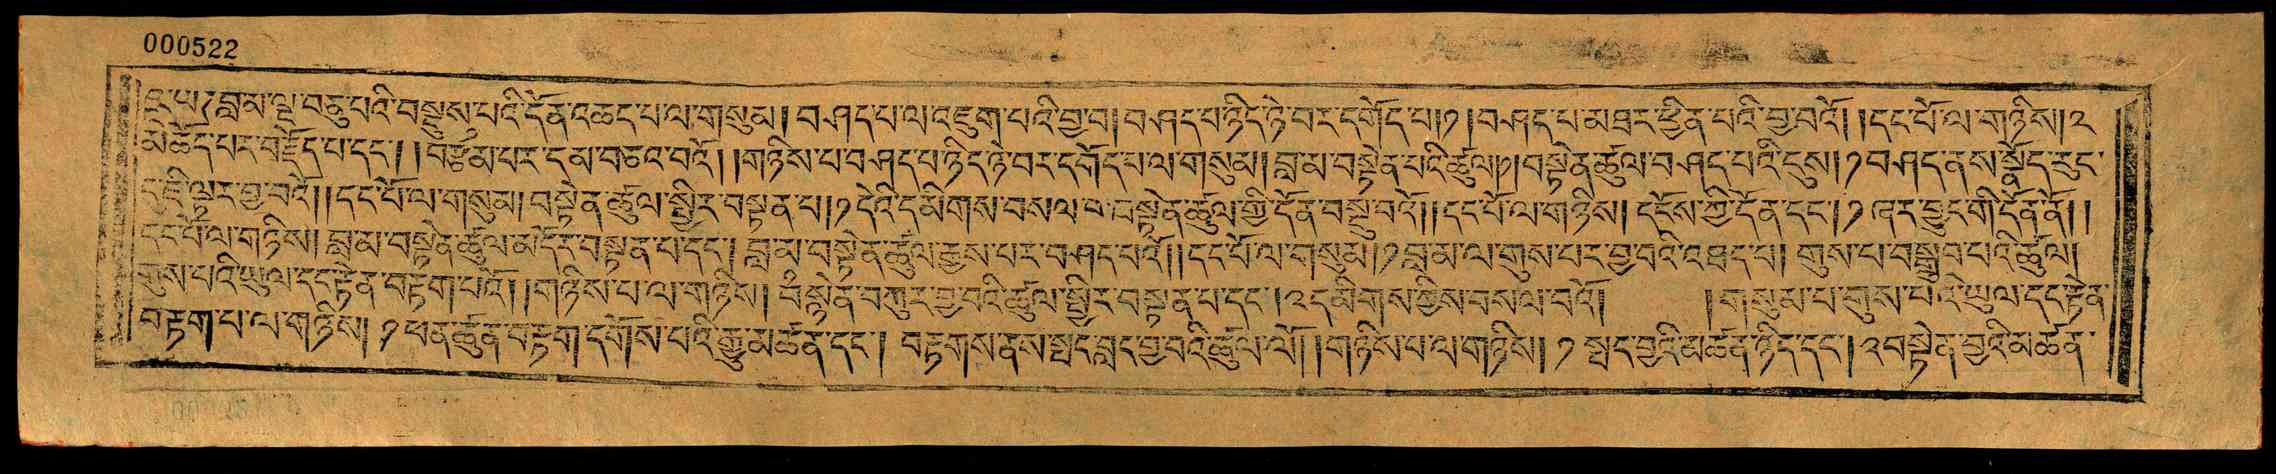ཥཱ་ཡ། བླ་མ་ལྔ་བཅུ་པའི་བསྡུས་པའི་དོན་འཆད་པ་ལ་གསུམ། བཤད་པ་ལ་འཇུག་པའི་བྱ་བ། བཤད་པ་ཉིད་ཉེ་བར་དགོད་པ། ༡་།བཤད་པ་མཐར་ཕྱིན་པའི་བྱ་བའོ། །དང་པོ་ལ་གཉིས ༡
མཆོད་པར་བརྗོད་པ་དང་། །བརྩམ་པར་དམ་བཅའ་བའོ། །གཉིས་པ་བཤད་པ་ཉིད་ཉེ་བར་དགོད་པ་ལ་གསུམ། བླ་མ་བསྟེན་པའི་ཚུལ། ༡་།བསྟེན་ཚུལ་བཤད་པའི་དུས། ༡་བཤད་ནས་སྣོད་རུང་
དུ་ཇི་ལྟར་བྱ་བའོ། །དང་པོ་ལ་གསུམ། བསྟེན་ཚུལ་སྤྱིར་བསྟན་པ། ༡་དེའི་དམིགས་བསལ། ༢་བསྟེན་ཚུལ་གྱི་དོན་བསྡུ་བའོ། །དང་པོ་ལ་གཉིས། དངོས་ཀྱི་དོན་དང་། ༡་ཞར་བྱུང་གི་དོན་ནོ། །
དང་པོ་ལ་གཉིས། བླ་མ་བསྟེན་ཚུལ་མདོར་བསྟན་པ་དང་། བླ་མ་བསྟེན་ཚུལ་རྒྱས་པར་བཤད་པའོ། །དང་པོ་ལ་གསུམ། ༡་བླ་མ་ལ་གུས་པར་བྱ་བའི་འཐད་པ། གུས་པ་བསྒྲུབ་པའི་ཚུལ།
གུས་པའི་ཡུལ་དང་རྟེན་བརྟག་པའོ། །གཉིས་པ་ལ་གཉིས། བསྙེན་བཀུར་བྱ་བའི་ཚུལ་སྤྱིར་བསྟན་པ་དང་། ༢་དམིགས་ཀྱིས་བསལ་བའོ། །གསུམ་པ་གུས་པའི་ཡུལ་དང་རྟེན་
བརྟག་པ་ལ་གཉིས། ༡་ཕན་ཚུན་བརྟག་དགོས་པའི་རྒྱུ་མཚན་དང་། བརྟགས་ནས་སྤང་བླང་བྱ་བའི་ཚུལ་ལོ། །གཉིས་པ་ལ་གཉིས། ༡་སྤང་བྱའི་མཚན་ཉིད་དང་། ༢་བསྟེན་བྱའི་མཚན་